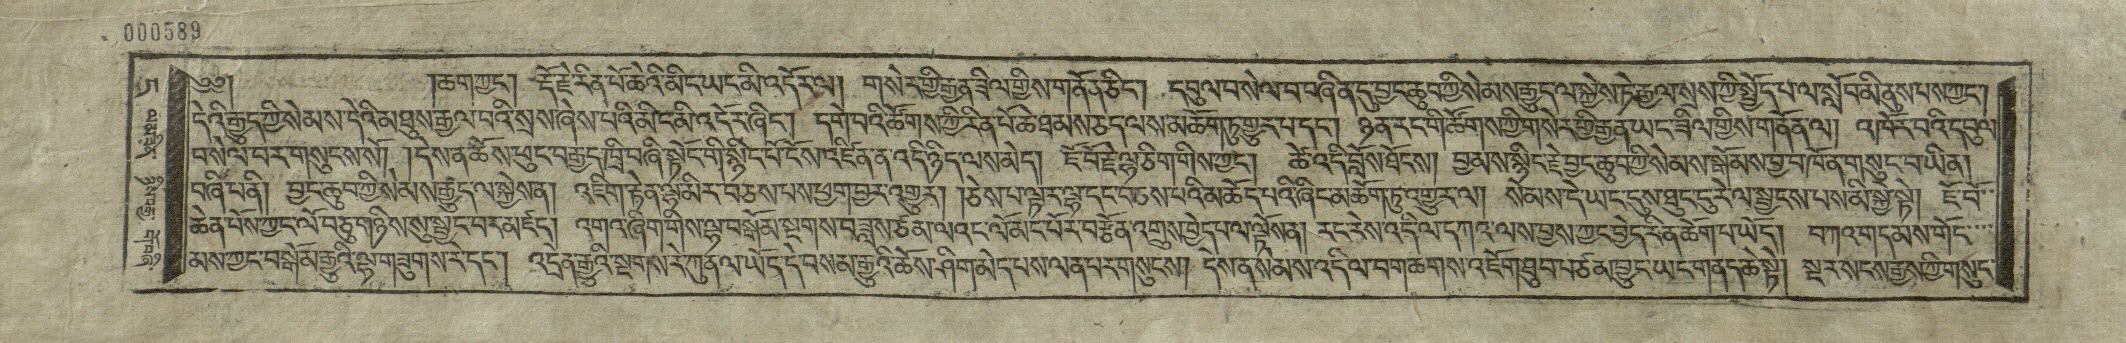༄༅། །ཆག་ཀྱང་། རྡོ་རྗེ་རིན་པོ་ཆེའི་མིང་ཡང་མི་འདོར་ལ། གསེར་གྱི་རྒྱན་ཟིལ་གྱིས་གནོན་ཅིང་། དབུལ་བ་སེལ་བ་བཞིན་དུ་བྱང་ཆུབ་ཀྱི་སེམས་རྒྱུད་ལ་སྐྱེས་ཏེ་རྒྱལ་སྲས་ཀྱི་སྤྱོད་པ་ལ་སློབ་མི་ནུས་པས་ཀྱང་།
དེའི་རྒྱུད་ཀྱི་སེམས་དེའི་མཐུས་རྒྱལ་བའི་སྲས་ཞེས་པའི་མིང་མི་འདོར་ཞིང་། དགེ་བའི་ཚོགས་ཀྱི་རིན་པོ་ཆེ་ཐམས་ཅད་ལས་མཆོག་ཏུ་གྱུར་པ་དང་། ཉན་རང་གི་ཚོགས་ཀྱི་གསེར་གྱི་རྒྱན་ཡང་ཟིལ་གྱིས་གནོན་ལ། འཁོར་བའི་དབུལ་
བ་སེལ་བར་གསུངས་སོ། །དེས་ན་ཆོས་ཕུང་བརྒྱད་ཁྲི་བཞི་སྟོང་གི་སྙིང་པོ་ངོས་འཛིན་ན་འདི་ཉིད་ལས་མེད། ཇོ་བོ་རྗེ་ལྷ་ཅིག་གིས་ཀྱང་། ཚེ་འདི་བློས་ཐོངས། བྱམས་སྙིང་རྗེ་བྱང་ཆུབ་ཀྱི་སེམས་སྒོམས་བྱ་བ་ཁོ་ན་གསུང་བ་ཡིན།
བཞི་པ་ནི། བྱང་ཆུབ་ཀྱི་སེམས་རྒྱུད་ལ་སྐྱེས་ན། འཇིག་རྟེན་ལྷ་མིར་བཅས་པས་ཕྱག་བྱར་འགྱུར། །ཅེས་པ་ལྟར་ལྷ་དང་བཅས་པའི་མཆོད་པའི་ཞིང་མཆོག་ཏུ་འགྱུར་ལ། སེམས་དེ་ཡང་དུས་ཐུང་ངུ་རེ་ལ་སྦྱངས་པས་མི་སྐྱེ་སྟེ། ཇོ་བོ་
ཆེན་པོས་ཀྱང་ལོ་བཅུ་གཉིས་སུ་སྦྱང་བར་མཛད། འགའ་ཞིག་གིས་ལྷ་བསྒོམ་སྔགས་བཟླས་ཙམ་ལའང་ལོ་མང་པོར་བརྩོན་འགྲུས་བྱེད་པ་ལ་ལྟོས་ན། རང་རེས་འདི་ལ་དཀའ་ལས་བྱས་ཀྱང་བྱེད་རིན་ཆོག་པ་ཡོད། བཀའ་གདམས་གོང་
མས་ཀྱང་བསྒོམ་རྒྱུའི་ལྷ་གཟུགས་རེ་དང་། འདྲེན་རྒྱུའི་སྔགས་རེ་ཀུན་ལ་ཡོད་དེ་བསམ་རྒྱུའི་ཆོས་ཤིག་མེད་པས་ལན་པར་གསུངས། དེས་ན་སེམས་འདི་ལ་བག་ཆགས་འཇོག་ཐུབ་པ་ཙམ་བྱུང་ཡང་གནད་ཆེ་སྟེ། སྔར་སངས་རྒྱས་ཀྱི་གསུང་